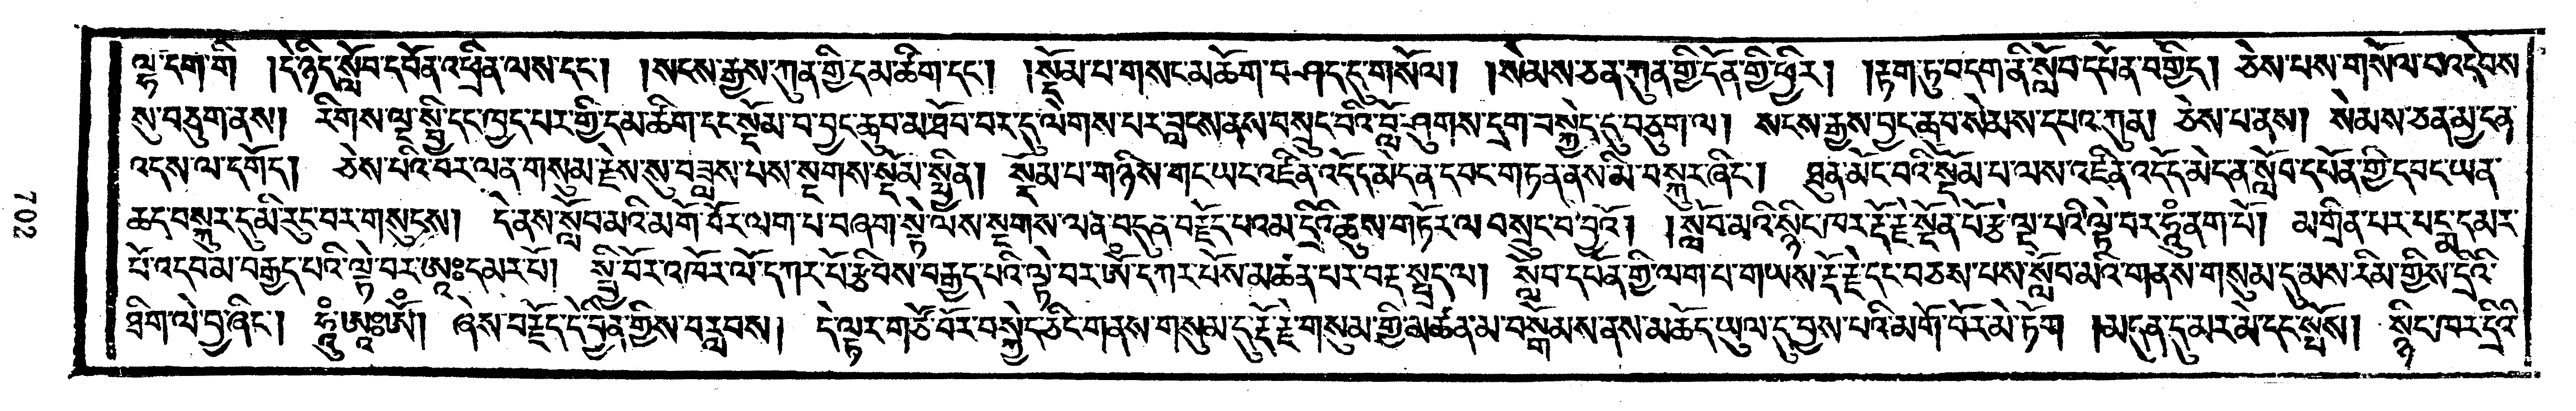ལྷ་ངག་གི །དེ་ཉིད་སློབ་དབོན་འཕྲིན་ལས་དང་། །སངས་རྒྱས་ཀུན་གྱི་དམ་ཚིག་དང་། །སྡོམ་པ་གསང་མཆོག་བཤད་དུ་གསོལ། །སེམས་ཅན་ཀུན་གྱི་དོན་གྱི་ཕྱིར། །རྟག་ཏུ་བདག་ནི་སློབ་དཔོན་བགྱིད། ཅེས་པས་གསོལ་བ་འདེབས་
སུ་བཅུག་ནས། རིགས་ལྔ་སྦྱི་དང་ཁྱད་པར་གྱི་དམ་ཚིག་དང་སྡོམ་བ་བྱང་ཆུབ་མ་ཐོབ་བར་དུ་ལེགས་པར་བླངས་ནས་བསྲུང་བའི་བློ་ཤུགས་དྲག་བསྐྱེད་དུ་བཅུག་ལ། སངས་རྒྱས་བྱང་ཆུབ་སེམས་དཔའ་ཀུན། ཅེས་པ་ནས། སེམས་ཅན་མྱ་ངན་
འདས་ལ་དགོད། ཅེས་པའི་བར་ལན་གསུམ་རྗེས་སུ་བཟླས་པས་སྔགས་སྡོམ་སྦྱིན། སྡོམ་པ་གཉིས་གང་ཡང་འཛིན་འདོད་མེད་ན་དབང་གཏན་ནས་མི་བསྐུར་ཞིང་། ཐུན་མོང་བའི་སྡོམ་པ་ལས་འཛིན་འདོད་མེད་ན་སློབ་དཔོན་གྱི་དབང་ཡན་
ཆད་བསྐུར་དུ་མི་རུང་བར་གསུངས། དེ་ནས་སློབ་མའི་མགོ་བོར་ལག་པ་བཞག་སྟེ་ལས་སྔགས་ལན་བདུན་བརྗོད་པའམ་དྲིའི་ཆུས་གཏོར་ལ་བསྲུང་བ་བྱའོ། །སློབ་མའི་སྙིང་ཁར་རྡོ་རྗེ་སྔོན་པོ་རྩེ་ལྔ་པའི་ལྟེ་བར་ཧཱུཾ་ནག་པོ། མགྲིན་པར་པདམ་དམར་
པོ་འདབ་མ་བརྒྱད་པའི་ལྟེ་བར་ཨཱཿདམར་པོ། སྤྱི་བོར་འཁོར་ལོ་དཀར་པོ་རྩིབས་བརྒྱད་པའི་ལྟེ་བར་ཨོཾ་དཀར་པོས་མཚན་པར་བརྡ་སྤྲད་ལ། སློབ་དཔོན་གྱི་ལག་པ་གཡས་རྡོ་རྗེ་དང་བཅས་པས་སློབ་མའི་གནས་གསུམ་དུ་མས་རིམ་གྱིས་དྲིའི་
ཐིག་ལེ་བྱ་ཞིང་། ཧཱུཾ་ཨཱཿཨོཾ། ཞེས་བརྗོད་དེ་བྱིན་གྱིས་བརླབས། དེ་ལྟར་གཙོ་བོར་བསྐྱེད་ཅིང་གནས་གསུམ་དུ་རྡོ་རྗེ་གསུམ་གྱི་མཚན་མ་བསྒོམས་ནས་མཆོད་ཡུལ་དུ་བྱས་པའི་མགོ་བོར་མེ་ཏོག །མདུན་དུ་མར་མེ་དང་སྤོས། སྙིང་ཁར་དྲིའི་